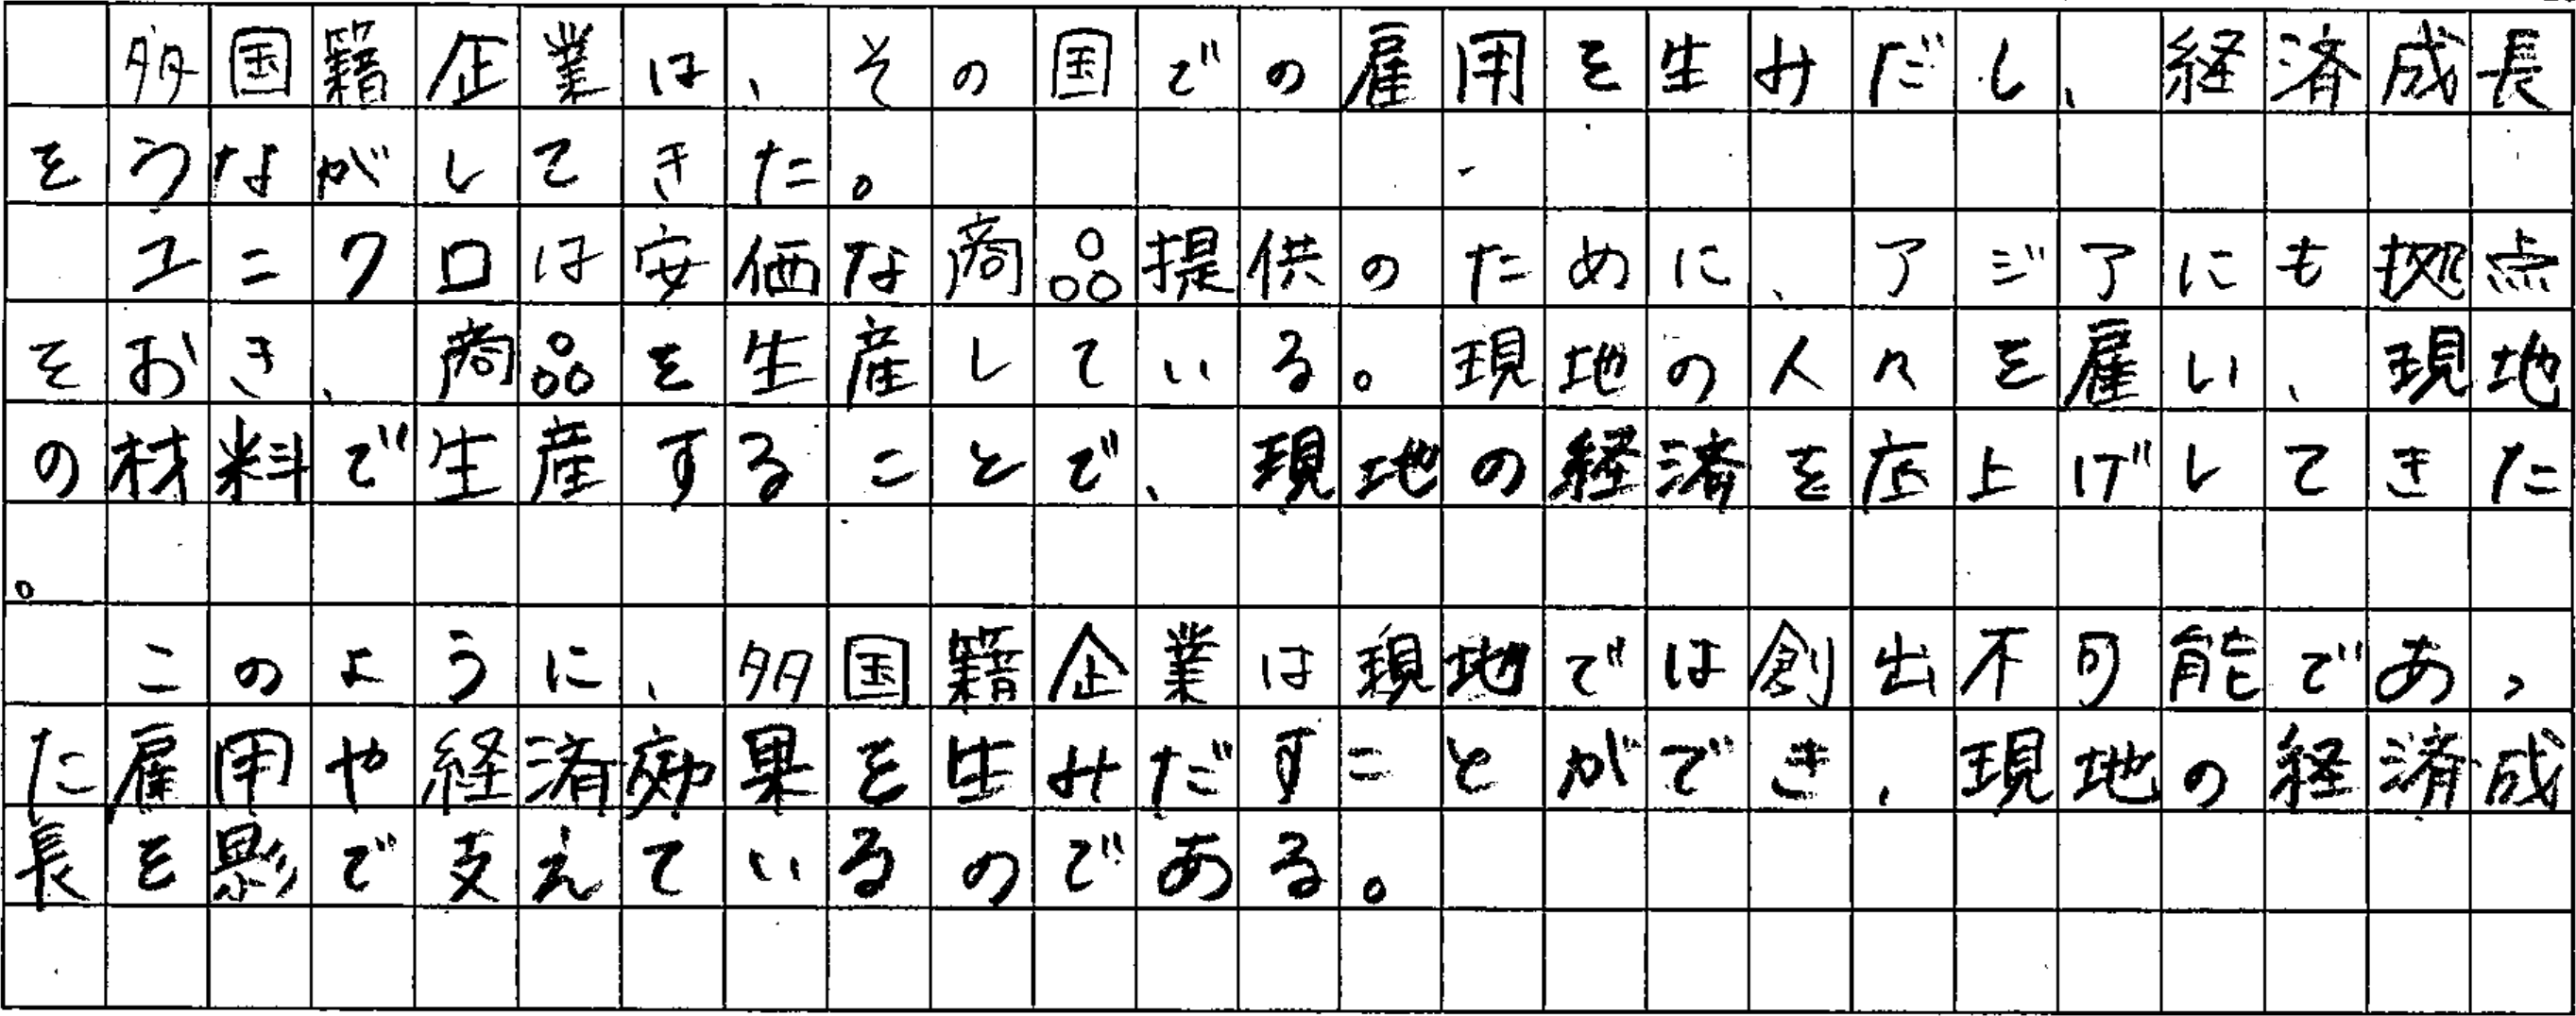　多国籍企業は、その国での雇用を生みだし、経済成長をうながしてきた。
　ユニクロは安価な商品提供のために、アジアにも拠点をおき、商品を生産している。現地の人々を雇い、現地の材料で生産することで、現地の経済を底上げしてきた。
　このように、多国籍企業は現地では創出不可能であった雇用や経済効果を生みだすことができ、現地の経済成長を影で支えているのである。
